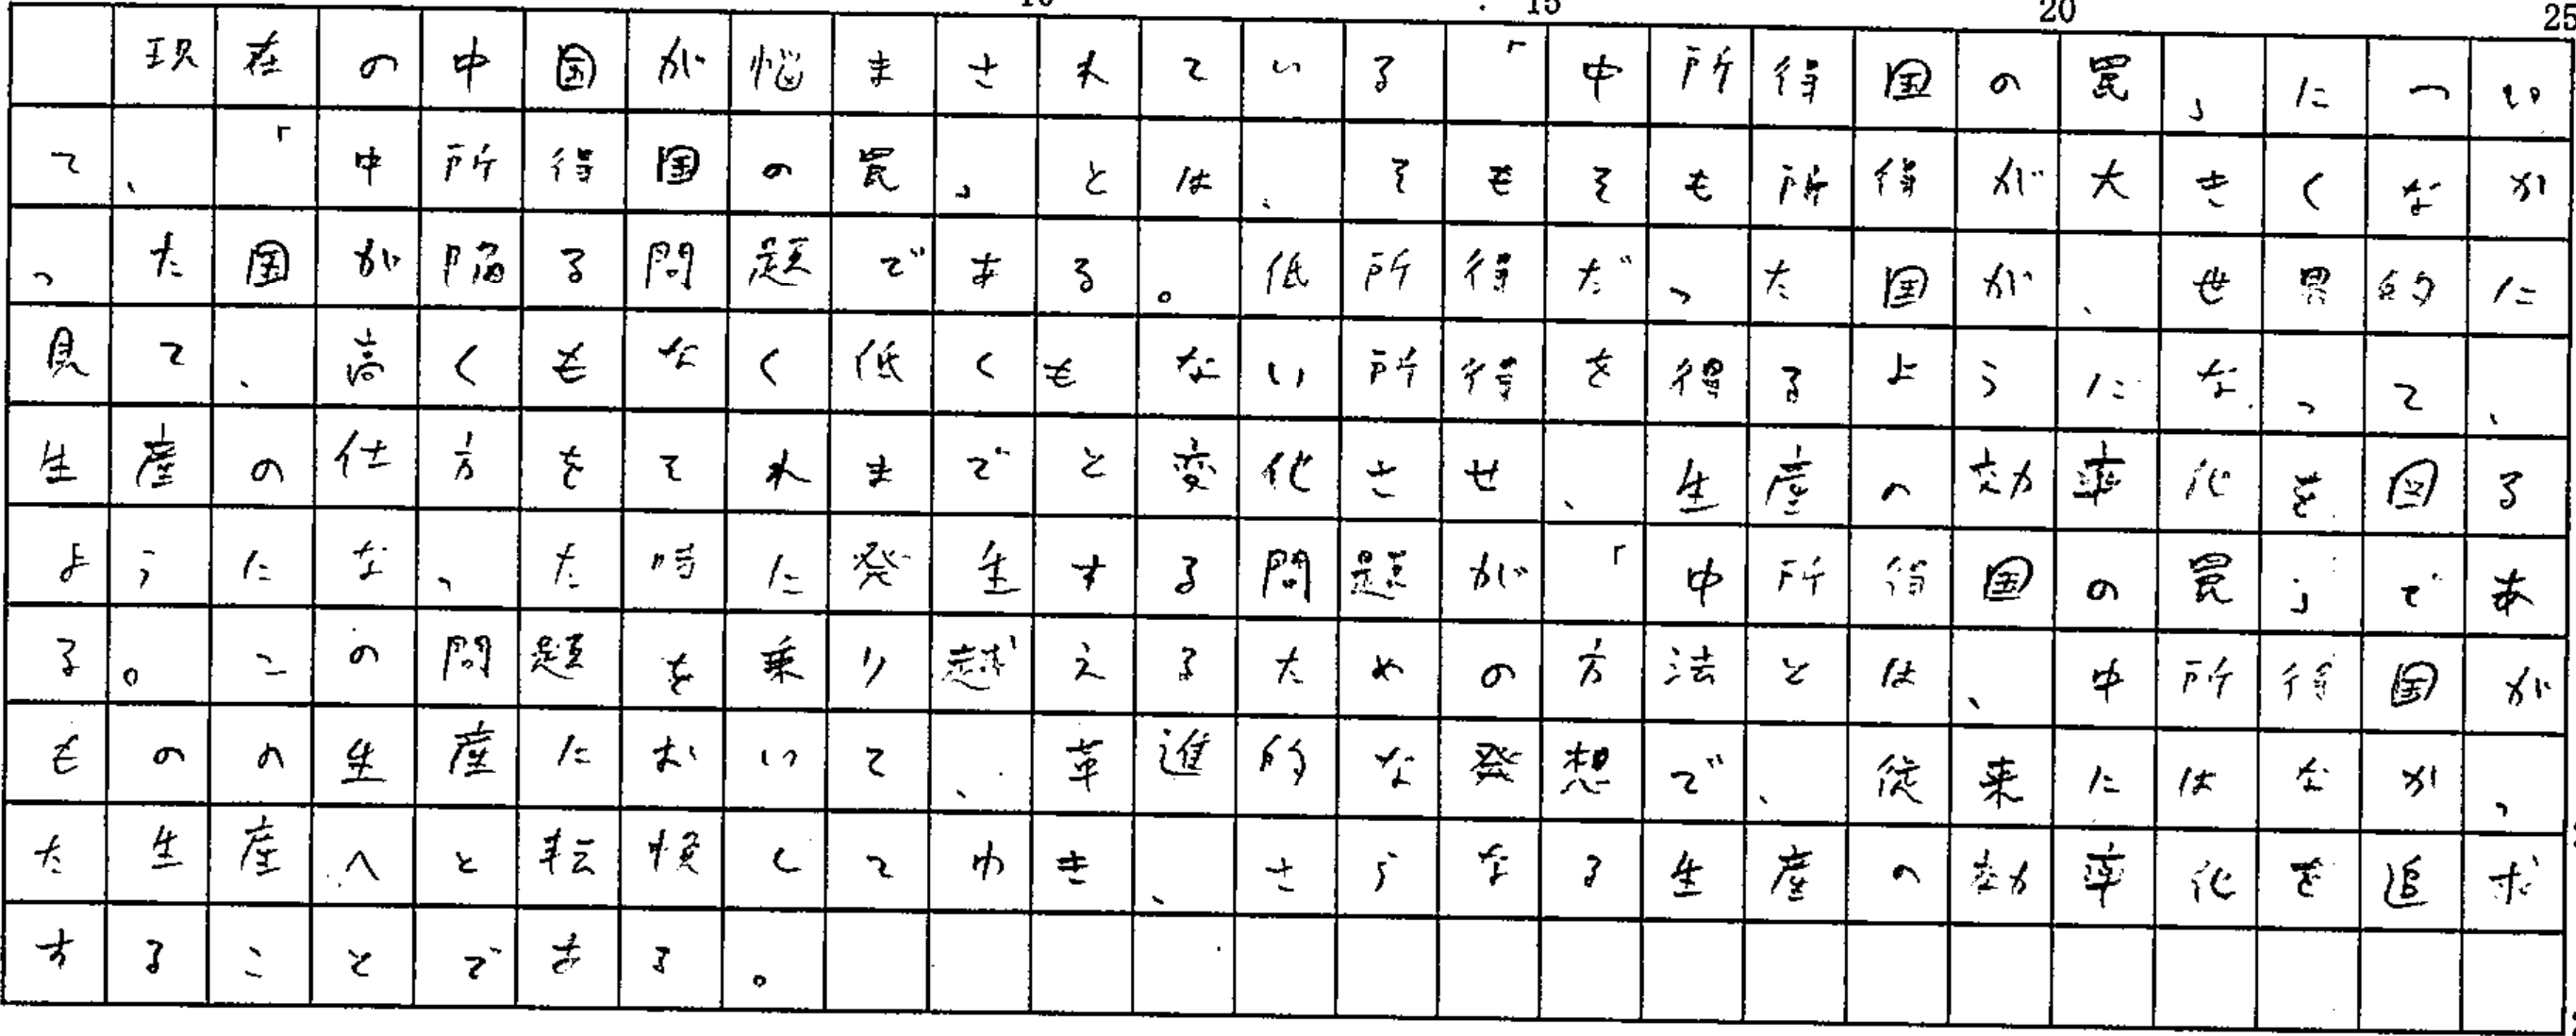　現在の中国が悩まされている「中所得国の罠」について、「中所得国の罠」とは、そもそも所得が大きくなかった国が陥る問題である。低所得だった国が、世界的に見て、高くもなく低くもない所得を得るようになって、生産の仕方をそれまでと変化させ、生産の効率化を図るようになった時に発生する問題が「中所得国の罠」である。この問題を乗り越えるための方法とは、中所得国がものの生産において、革進的な発想で、従来にはなかった生産へと転▁してゆき、さらなる生産の効率化を追求することである。
